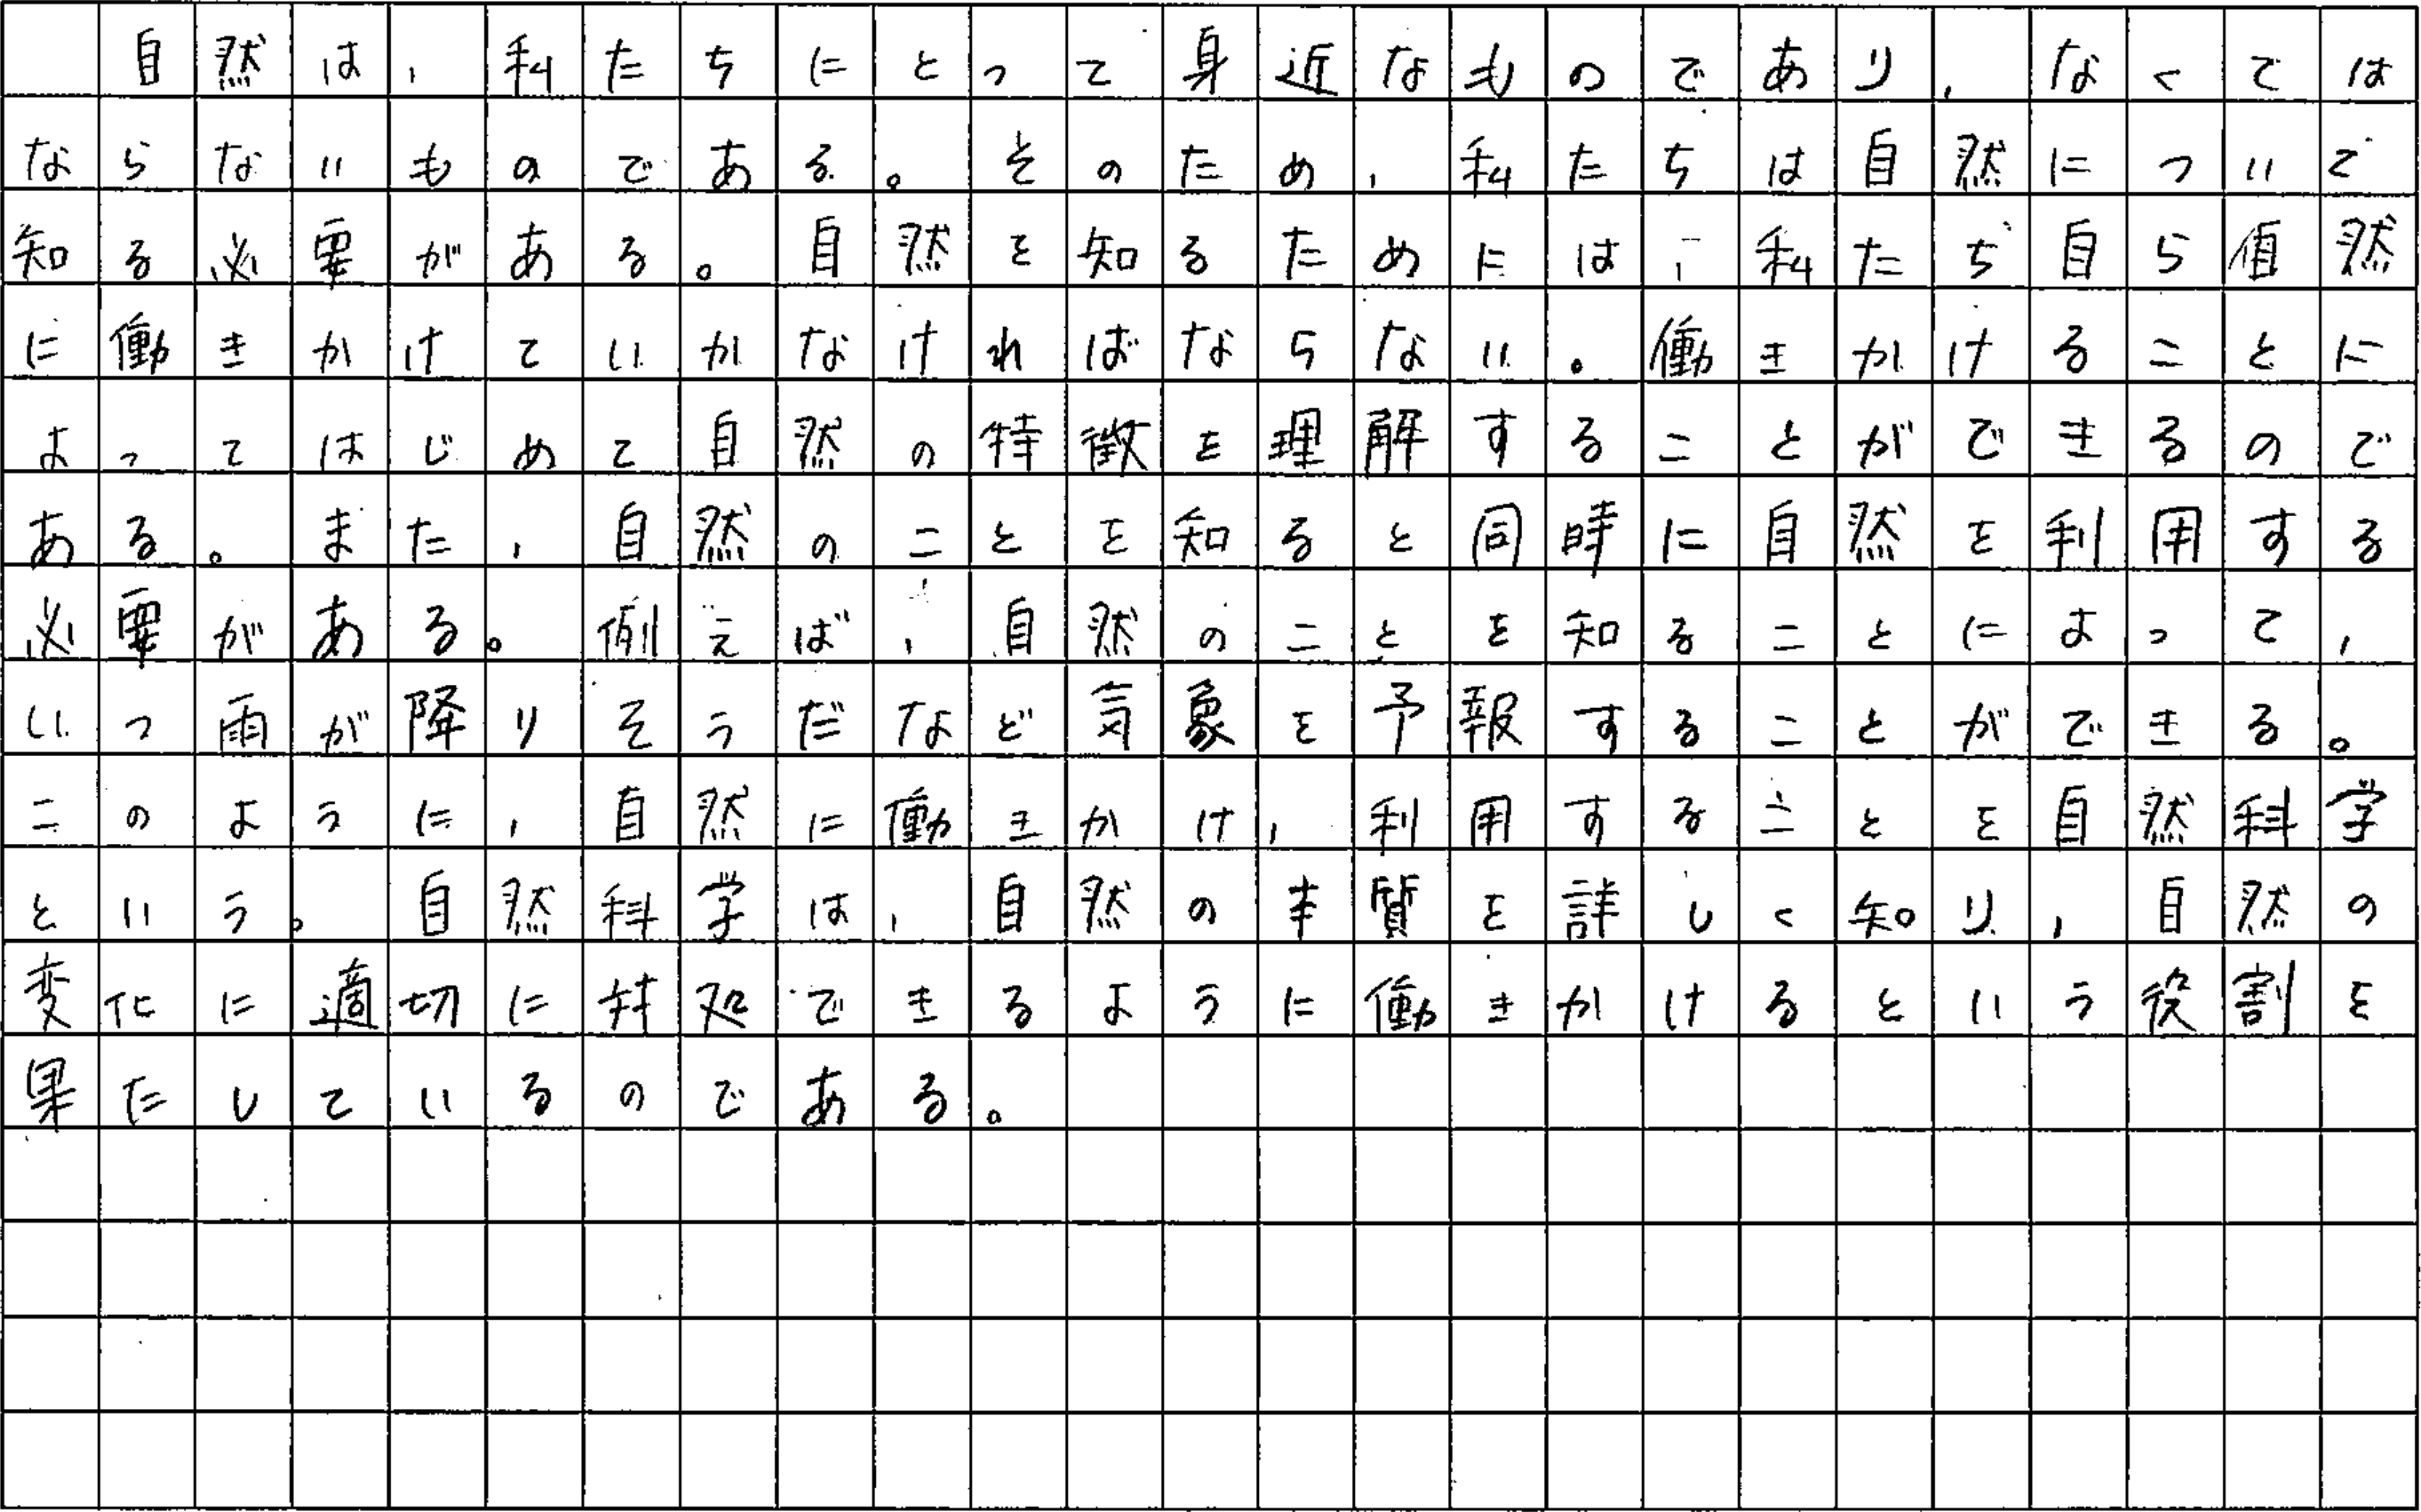　自然は、私たちにとって身近なものであり、なくてはならないものである。そのため、私たちは自然について知る必要がある。自然を知るためには、私たち自ら自然に働きかけていかなければならない。働きかけることによってはじめて自然の特徴を理解することができるのである。また、自然のことを知ると同時に自然を利用する必要がある。例えば、自然のことを知ることによって、いつ雨が降りそうだなど気象を予報することができる。このように、自然に働きかけ、利用することを自然科学という。自然科学は、自然の本質を詳しく知り、自然の変化に適切に対処できるように働きかけるという役割を果たしているのである。
